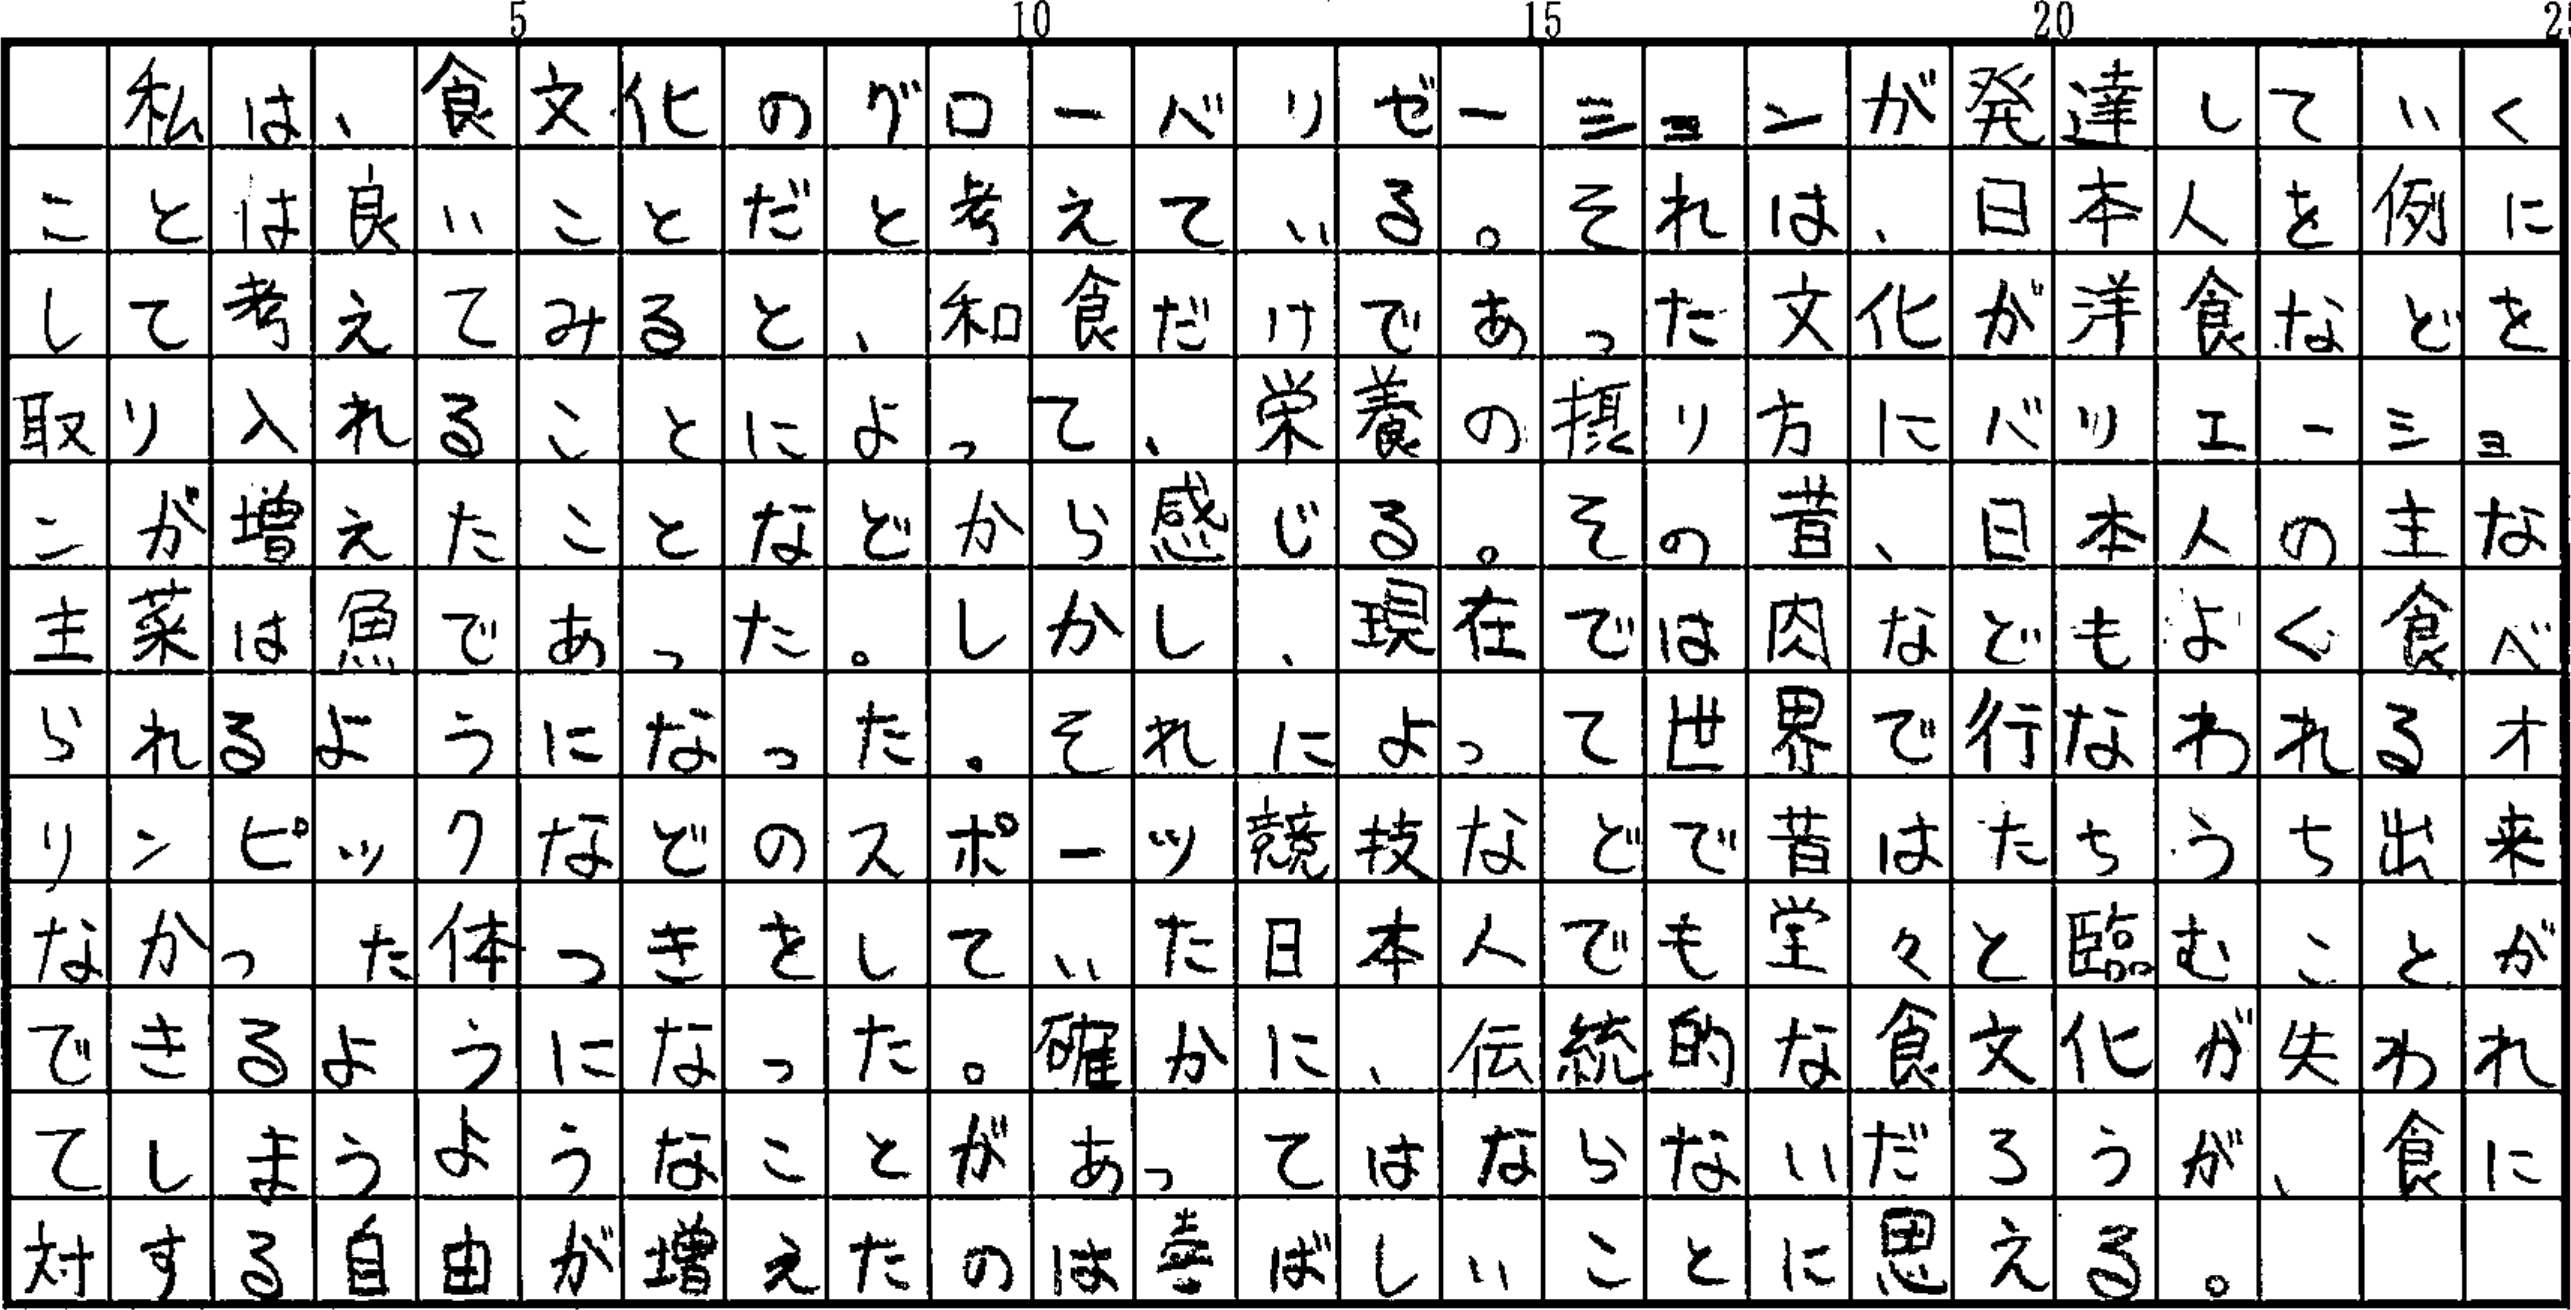　私は、食文化のグローバリゼーション化が発達していくことは良いことだと考えている。それは、日本人を例にして考えてみると、和食だけであった文化が洋食などを取り入れることによって、栄養の摂り方にバリエーションが増えたことなどから感じる。その昔、日本人の主な主菜は魚であった。しかし、現在では肉などもよく食べられるようになった。それによって世界で行なわれるオリンピックなどのスポーツ競技などで昔はたちうち出来なかった体つきをしていた日本人でも堂々と臨むことができるようになった。確かに、伝統的な食文化が失われてしまうようなことがあってはならないだろうが、食に対する自由が増えたのは喜ばしいことに思える。
